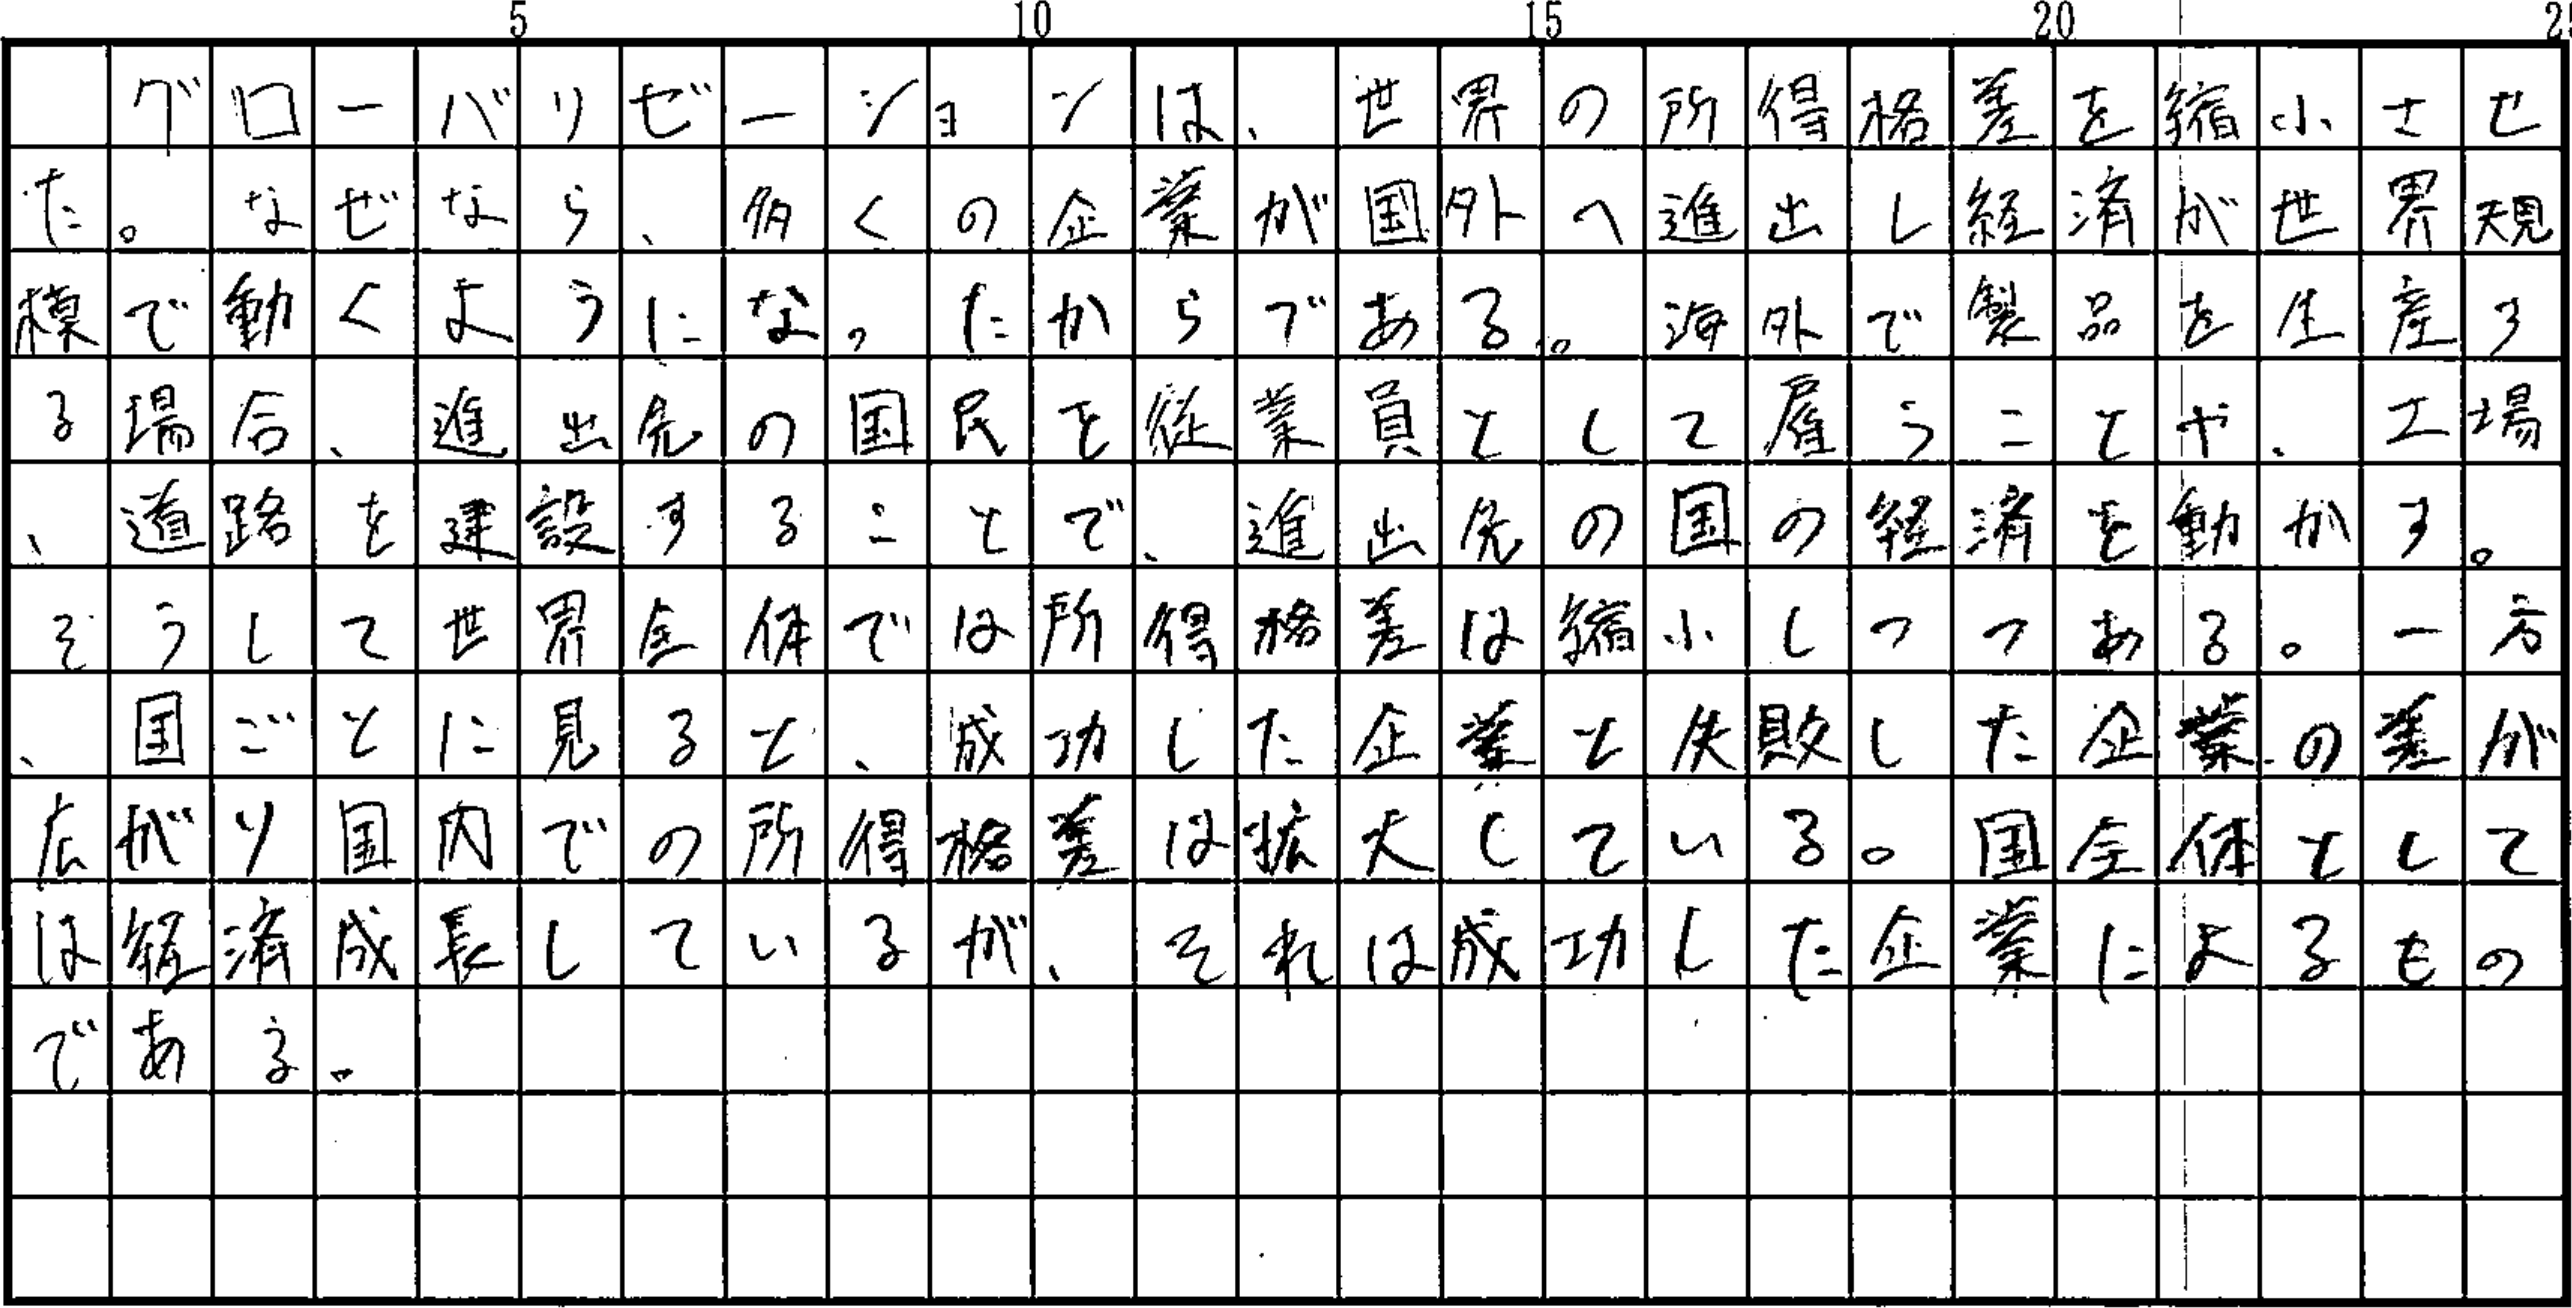　グローバリゼーションは、世界の所得格差を縮小させた。なぜなら、多くの企業が国外へ進出し経済が世界規模で動くようになったからである。海外で製品を生産する場合、進出先の国民を従業員として雇うことや、工場、道路を建設することで、進出先の国の経済を動かす。そうして世界全体では所得格差は縮小しつつある。一方、国ごとに見ると、成功した企業と失敗した企業の差が広がり国内での所得格差は拡大している。国全体としては経済成長しているが、それは成功した企業によるものである。
